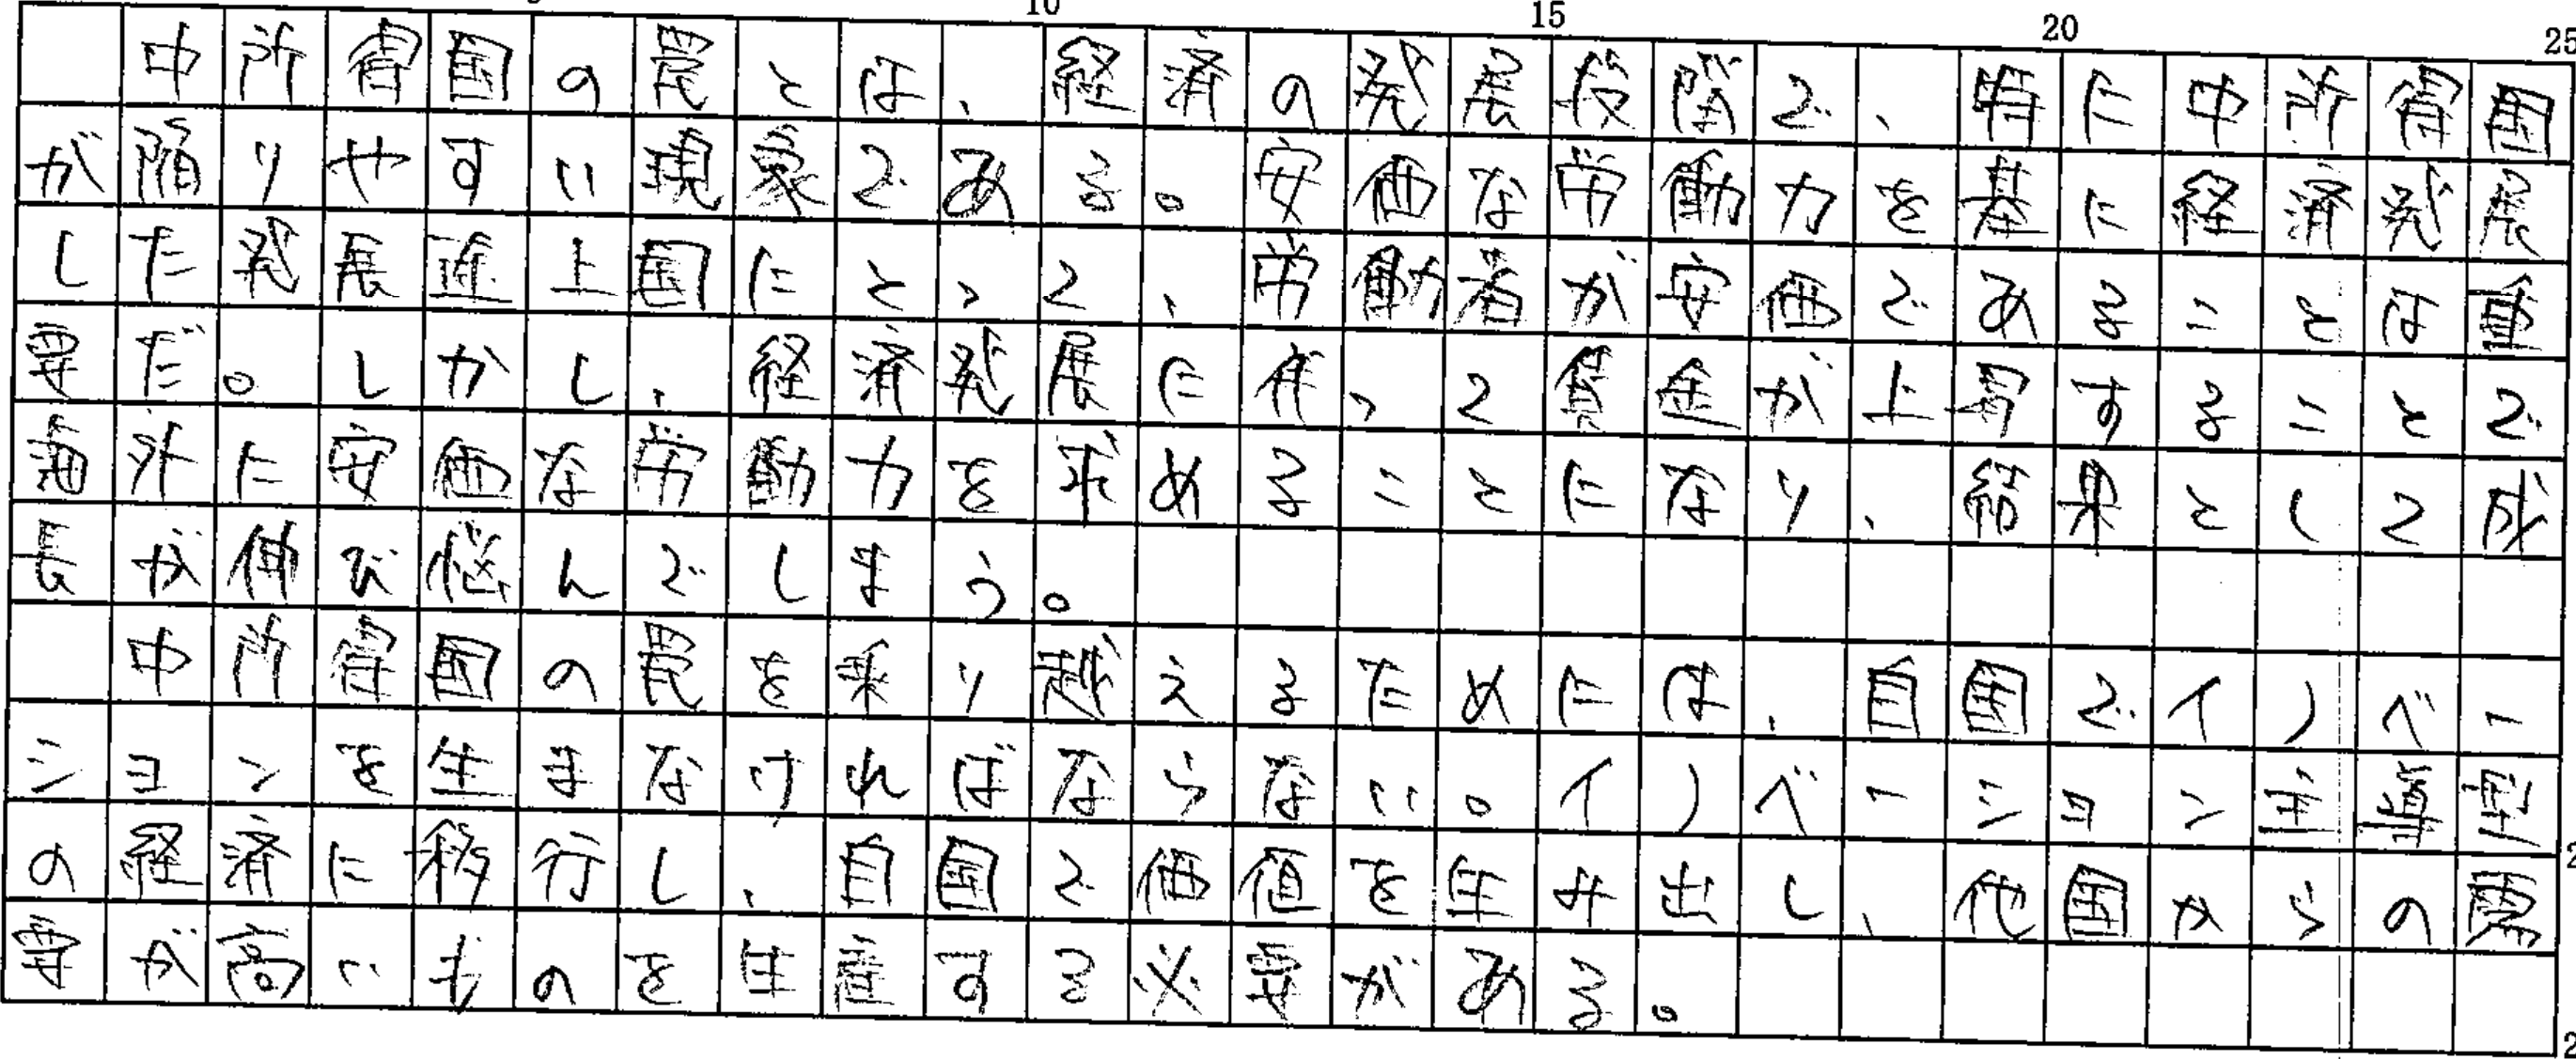　中所得国の罠とは、経済の発展段階で、特に中所得国が陥りやすい現象である。安価な労働力を基に経済発展した発展途上国にとって、労働者が安価であることは重要だ。しかし、経済発展に伴って賃金が上昇することで海外に安価な労働力を求めることになり、結果として成長が伸び悩んでしまう。
　中所得国の罠を乗り越えるためには、自国でイノベーションを生まなければならない。イノベーション主導型の経済に移行し、自国で価値を生み出し、他国からの需要が高いものを生産する必要がある。
